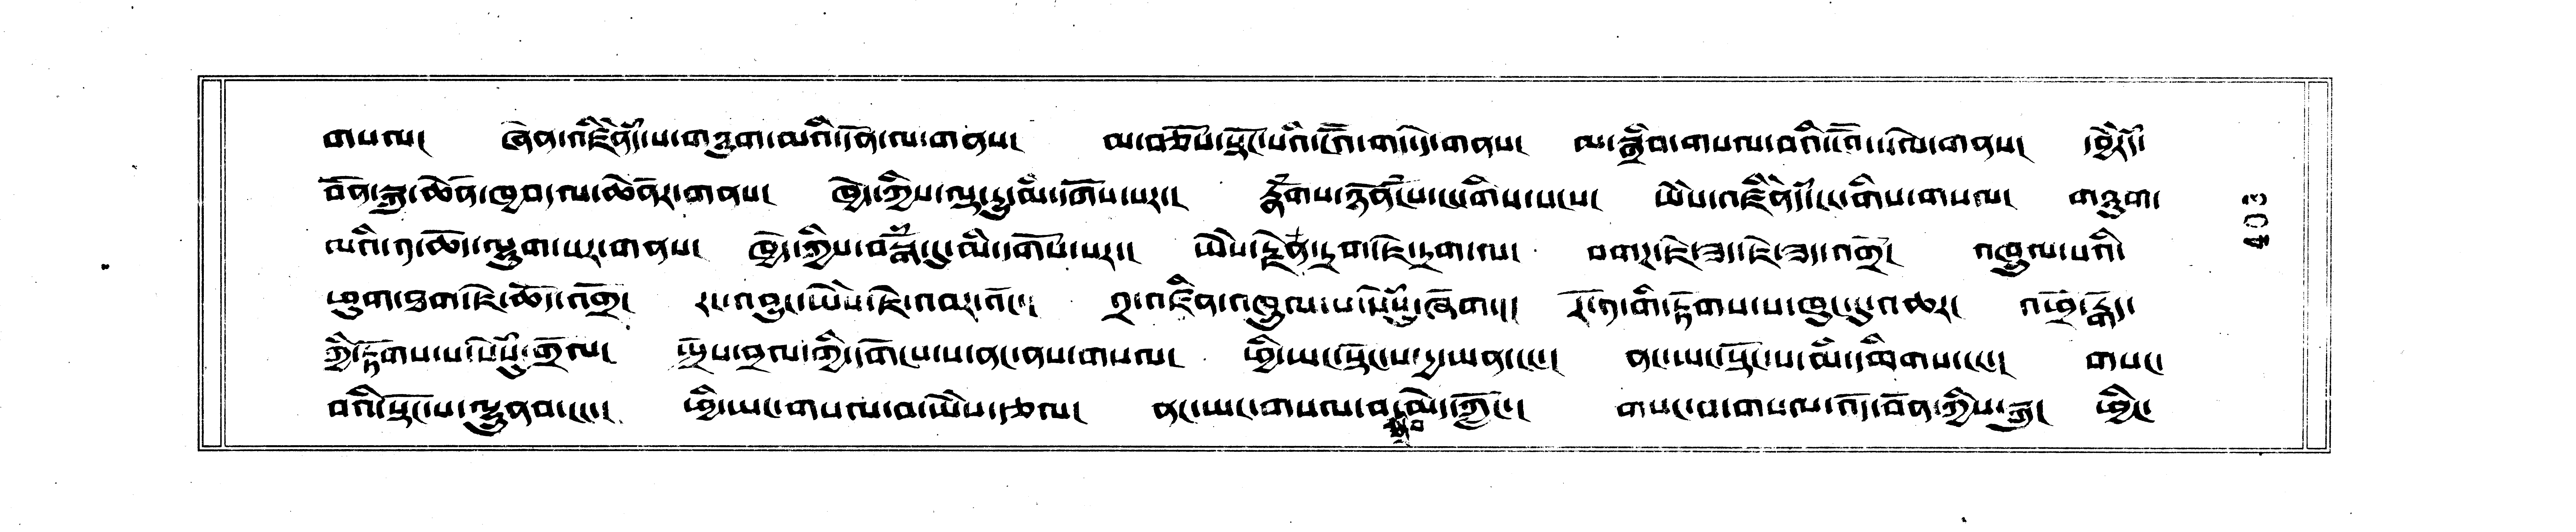གསལ། ཞེ་འཛིན་མེད་པར་གཉུག་མའི་དོན་ལ་གནས། མ་བཅོས་སྟོང་པའི་ངོའོ་ཀད་དེ་གནས། མ་སྒྲིབ་རིག་པའི་ངོའོ་སལེ་གནས། དབྱེར་མེད་
བོན་སྐུ་ཁྱབ་བདལ་ཆེན་པོར་གནས། ཆེད་ཀྱིས་ལྟ་རུ་མི་དགོས་པར་རྣམ་རྟོག་ཉོན་མོངས་ངང་གིས་སངས། ཡེ་ཤེས་འཛིན་མེད་ངང་གིས་གསལ། གཉུག་
མ་ཅིག་ཆོད་ལྷུག་པར་གནས། ཆེད་ཀྱིས་སྒོམ་དུ་མི་དགོས་པར། ཡེ་ཤེས་ཇེ་དྲག་ཇེ་དྲག་ལ། བག་ཆགས་ཇེ་ཟད་ཇེ་ཟད་དུ་འགྲོ། འཁྲུལ་པའི་
ཕུ་ཐག་ཇེ་ཆོད་ལ། རང་འབྱུང་གིས་ཡེ་ཤེས་ཇེ་བྷར་(འབར)འོང་། གཉིས་འཛིན་གྱིས་འཁྲུལ་པ་སེམས་སུ་ཞིག རོ་ཅིག་གིས་རྟོགས་པ་ཁོང་ནས་འཆར། འཕྲོ་རྒོད་
ཀྱིས་རྟོག་པ་སེམས་སུ་གྲོལ། སྤྲོས་བྲལ་གིས་དགོངས་པ་ནང་ན་གསལ། ཕྱི་ཡང་སྟོང་པ་རྒྱ་ཡན་ངང་། ནང་ཡང་སྟོང་པ་མི་དམིགས་ངང་། གསང་
བ་སྟོང་པ་ལྷུན་གྲུབ་ངང་། ཕྱི་ཡང་གསལ་བ་ཡེ་ཤེས་རྩལ། ནང་ཡང་གསལ་བ་འཛིན་མེད་ཀློང་། གསང་བ་གསལ་བས་བོན་གྱིས་སྐུ། ཕྱི་ནང་